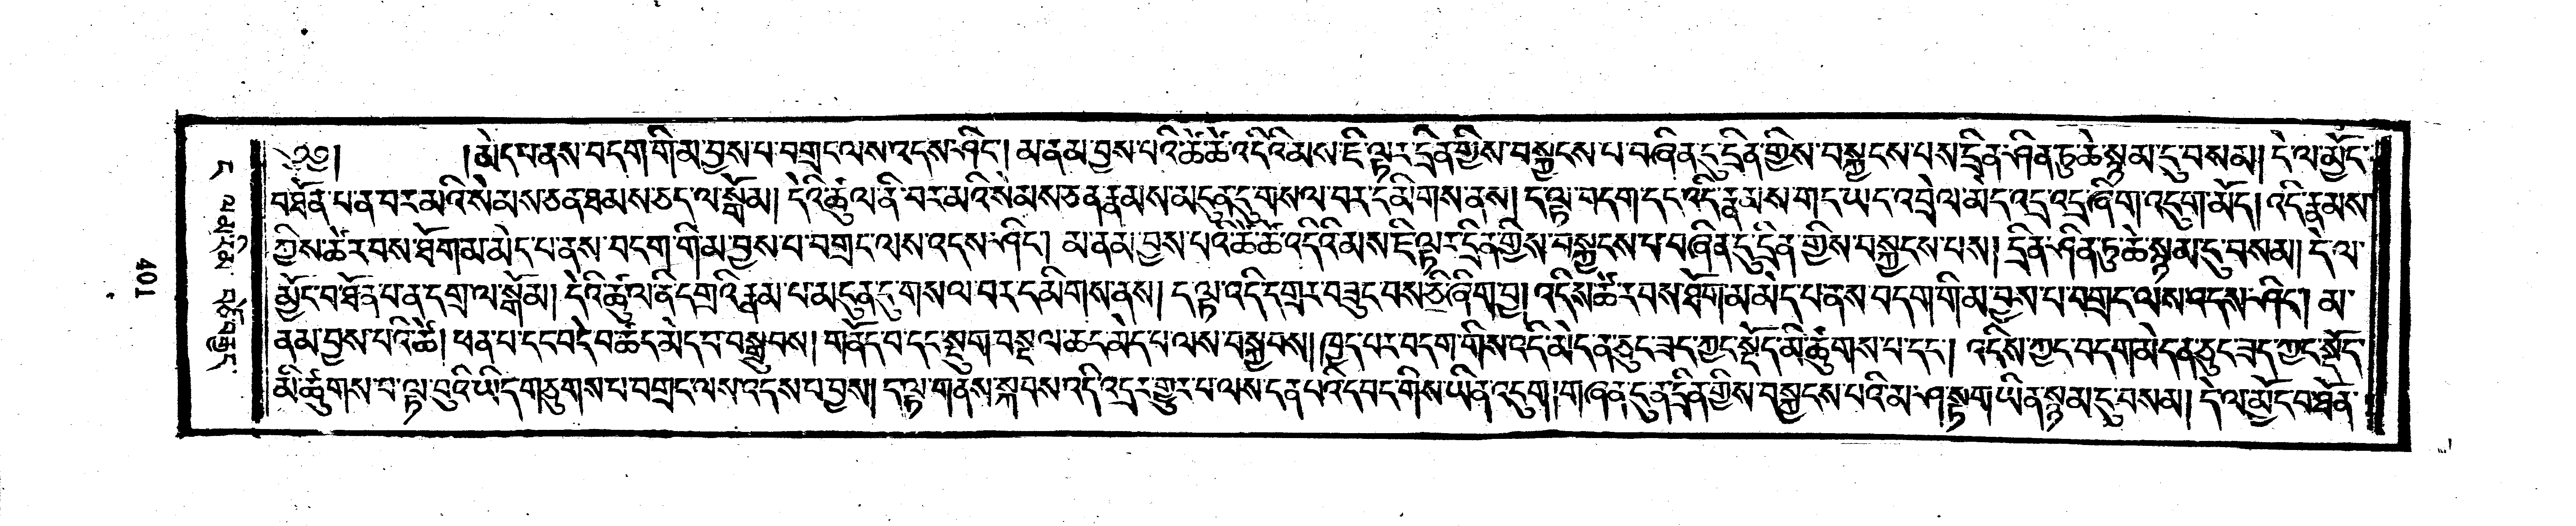༄༅། །མེད་པ་ནས་བདག་གི་མ་བྱས་པ་བགྲང་ལས་འདས་ཤིང་། མ་ནམ་བྱས་པའི་ཚེ་ཚེ་འདིའི་མས་ཇི་ལྟར་དྲིན་གྱིས་བསྐྱངས་པ་བཞིན་དུ་དྲིན་གྱིས་བསྐྱངས་པས་དྲིན་ཤིན་ཏུ་ཆེ་སྙམ་དུ་བསམ། དེ་ལ་མྱོང་
བ་ཐོན་པ་ན་བར་མའི་སེམས་ཅན་ཐམས་ཅད་ལ་སྒོམ། དེའི་ཚུལ་ནི་བར་མའི་སེམས་ཅན་རྣམས་མདུན་དུ་གསལ་བར་དམིགས་ནས། ད་ལྟ་བདག་དང་འདི་རྣམས་གང་ཡང་འབྲེལ་མེད་འདྲ་འདྲ་ཞིག་འདུག་མོད། འདི་རྣམས་
ཀྱིས་ཚེ་རབས་ཐོག་མ་མེད་པ་ནས་བདག་གི་མ་བྱས་པ་བགྲང་ལས་འདས་ཤིང་། མ་ནམ་བྱས་པའི་ཚེ་ཚེ་འདིའི་མས་ཇི་ལྟར་དྲིན་གྱིས་བསྐྱངས་པ་བཞིན་དུ་དྲིན་གྱིས་བསྐྱངས་པས། དྲིན་ཤིན་ཏུ་ཆེ་སྙམ་དུ་བསམ། དེ་ལ་
མྱོང་བ་ཐོན་པ་ན་དགྲ་ལ་སྒོམ། དེའི་ཚུལ་ནི་དགྲའི་རྣམ་པ་མདུན་དུ་གསལ་བར་དམིགས་ནས། ད་ལྟ་འདི་དགྲར་བཟུང་བས་ཅི་ཞིག་བྱ། འདིས་ཚེ་རབས་ཐོག་མ་མེད་པ་ནས་བདག་གི་མ་བྱས་པ་བགྲང་ལས་འདས་ཤིང་། མ་
ནམ་བྱས་པའི་ཚེ། ཕན་པ་དང་བདེ་བ་ཚད་མེད་པ་བསྒྲུབས། གནོད་པ་དང་སྡུག་བསྔལ་ཚད་མེད་པ་ལས་བསྐྱབས། ཁྱད་པར་བདག་གིས་འདི་མེད་ན་ཅུང་ཟད་ཀྱང་སྡོད་མི་ཚུགས་པ་དང་། འདིས་ཀྱང་བདག་མེད་ན་ཅུང་ཟད་ཀྱང་སྡོད་
མི་ཚུགས་པ་ལྟ་བུའི་ཡིད་གཅུགས་པ་བགྲང་ལས་འདས་པ་བྱས། ད་ལྟ་གནས་སྐབས་འདི་འདྲར་གྱུར་པ་ལས་ངན་པའི་དབང་གིས་ཡིན་འདུག །གཞན་དུ་ན་དྲིན་གྱིས་བསྐྱངས་པའི་མ་ཤ་སྟག་ཡིན་སྙམ་དུ་བསམ། དེ་ལ་མྱོང་བ་ཐོན་